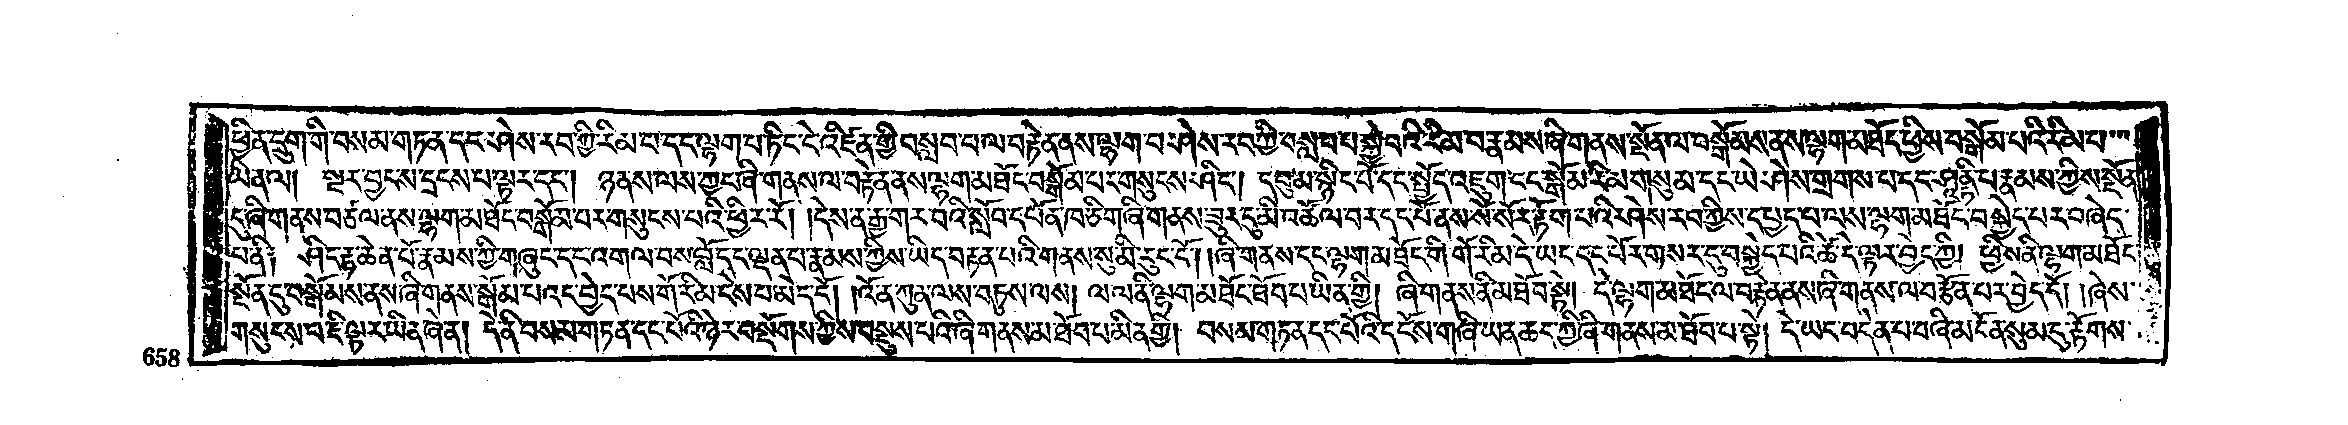ཕྱིན་དྲུག་གི་བསམ་གཏན་དང་ཤེས་རབ་ཀྱི་རིམ་པ་དང་ལྷག་པ་ཏིང་ངེ་འཛིན་གྱི་བསླབ་པ་ལ་བརྟེན་ནས་ལྷག་པ་ཤེས་རབ་ཀྱི་བསླབ་པ་སྐྱེ་བའི་རིམ་པ་རྣམས་ཞི་གནས་སྔོན་ལ་བསྒོམས་ནས་ལྷག་མཐོང་ཕྱིས་བསྒོམ་པའི་རིམ་པ་
ཡིན་ལ། སྔར་བྱངས་དྲངས་པ་ལྟར་དང་། ཉན་ས་ལས་ཀྱང་ཞི་གནས་ལ་བརྟེན་ནས་ལྷག་མཐོང་བསྒོམ་པར་གསུངས་ཤིང་། དབུ་མ་སྙིང་པོ་དང་སྤྱོད་འཇུག་དང་སྒོམ་རིམ་གསུམ་དང་ཡེ་ཤེས་གྲགས་པ་དང་ཤཱནྟི་པ་རྣམས་ཀྱིས་སྔོན་
དུ་ཞི་གནས་བཙལ་ནས་ལྷག་མཐོང་བསྒོམ་པར་གསུངས་པའི་ཕྱིར་རོ། །དེས་ན་རྒྱ་གར་བའི་སློབ་དཔོན་ཁ་ཅིག་ཞི་གནས་ཟུར་དུ་མི་འཚོལ་བར་དང་པོ་ནས་སོ་སོར་རྟོག་པའི་ཤེས་རབ་ཀྱིས་དཔྱད་པ་ལས་ལྷག་མཐོང་བསྐྱེད་པར་བཞེད་
པ་ནི༑ ཤིང་རྟ་ཆེན་པོ་རྣམས་ཀྱི་གཞུང་དང་འགལ་བས་བློ་དང་ལྡན་པ་རྣམས་ཀྱིས་ཡིད་བརྟན་པའི་གནས་སུ་མི་རུང་ངོ། །ཞི་གནས་དང་ལྷག་མཐོང་གི་གོ་རིམ་དེ་ཡང་དང་པོར་གསར་དུ་བསྐྱེད་པའི་ཚེ་དེ་ལྟར་བྱེད་ཀྱི། ཕྱིས་ནི་ལྷག་མཐོང་
སྔོན་དུ་བསྒོམས་ནས་ཞི་གནས་སྒོམ་པའང་བྱེད་པས་གོ་རིམ་ངེས་པ་མེད་དོ། །འོ་ན་ཀུན་ལས་བཏུས་ལས། ལ་ལ་ནི་ལྷག་མཐོང་ཐོབ་པ་ཡིན་གྱི། ཞི་གནས་ནི་མ་ཐོབ་སྟེ། དེ་ལྷག་མཐོང་ལ་བརྟེན་ནས་ཞི་གནས་ལ་བརྩོན་པར་བྱེད་དོ། །ཞེས་
གསུངས་པ་ཇི་ལྟར་ཡིན་ཞེ་ན། དེ་ནི་བསམ་གཏན་དང་པོའི་ཉེར་བསྡོགས་ཀྱིས་བསྡུས་པའི་ཞི་གནས་མ་ཐོབ་པ་མིན་གྱི། བསམ་གཏན་དང་པོའི་དངོས་གཞི་ཡན་ཆད་ཀྱི་ཞི་གནས་མ་ཐོབ་པ་སྟེ། དེ་ཡང་བདེན་པ་བཞི་མངོན་སུམ་དུ་རྟོགས་